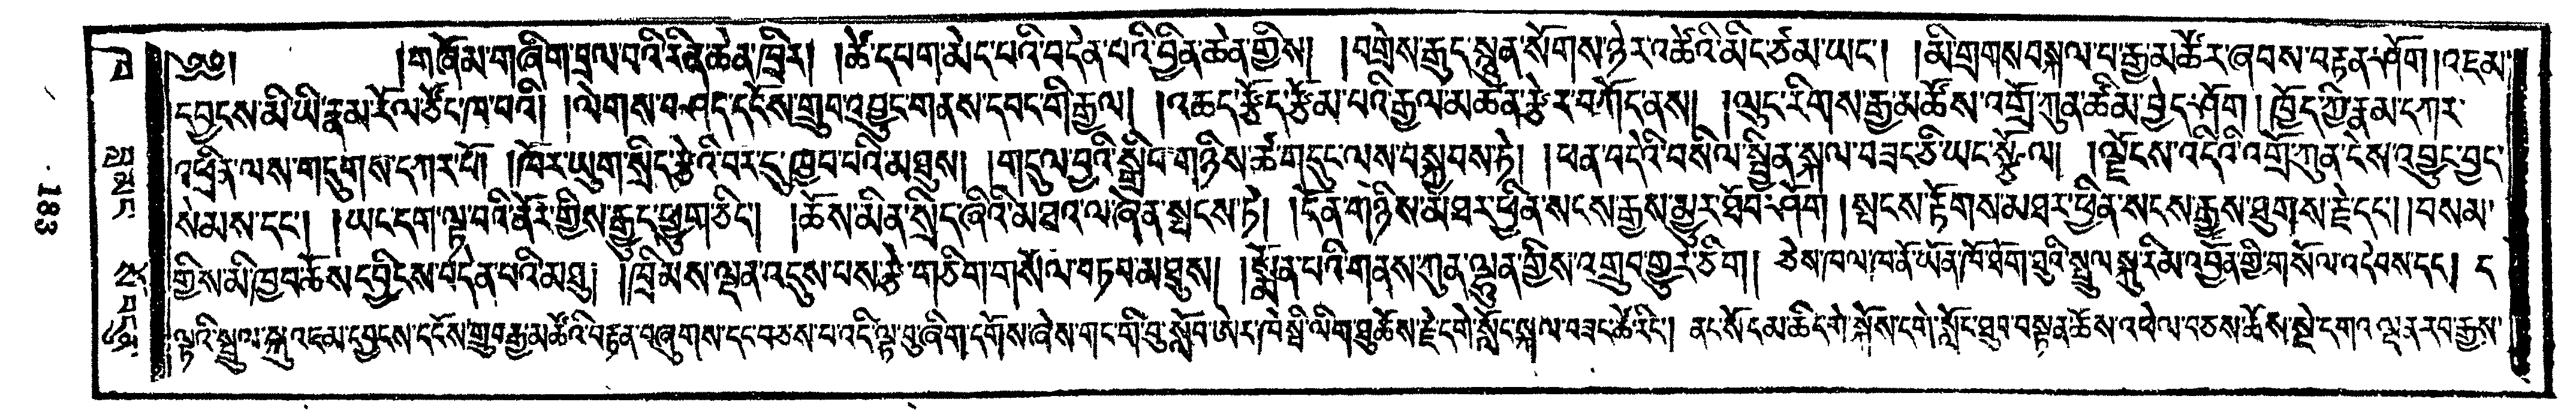༄༅། །གཞོམ་གཞིག་བྲལ་བའི་རིན་ཆེན་ཁྲིར། །ཚེ་དཔག་མེད་པའི་བདེན་པའི་བྱིན་ཆེན་གྱིས། །བགྲེས་རྒུད་སྙུན་སོགས་ཉེར་འཚེའི་མིང་ཙམ་ཡང་། །མི་གྲགས་བསྐལ་པ་རྒྱ་མཚོར་ཞབས་བརྟན་ཤོག །འཇམ་
དབྱངས་མི་ཡི་རྣམ་རོལ་ཙོང་ཁ་པའི། །ལེགས་བཤད་དངོས་གྲུབ་འབྱུང་གནས་དབང་གི་རྒྱལ། །འཆད་རྩོད་རྩོམ་པའི་རྒྱལ་མཚན་རྩེར་བཀོད་ནས། །ལུང་རིགས་རྒྱ་མཚོས་འགྲོ་ཀུན་ཚིམ་བྱེད་ཤོག །ཁྱོད་ཀྱི་རྣམ་དཀར་
འཕྲིན་ལས་གདུགས་དཀར་པོ། །ཁོར་ཡུག་སྲིད་རྩེའི་བར་དུ་ཁྱབ་པའི་མཐུས། །གདུལ་བྱའི་སྒྲིབ་གཉིས་ཚ་གདུང་ལས་བསྐྱབས་ཏེ། །ཕན་བདེའི་བསིལ་སྦྱིན་སྐལ་བཟང་ཅི་ཡང་སྩོལ། །ལྗོངས་འདིའི་འགྲོ་ཀུན་ངེས་འབྱུང་བྱང་
སེམས་དང་། །ཡང་དག་ལྟ་བའི་ནོར་གྱིས་རྒྱུད་ཕྱུག་ཅིང་། །ཆོས་མིན་སྲིད་ཞིའི་མཐའ་ལ་ཞེན་སྤངས་ཏེ། །དོན་གཉིས་མཐར་ཕྱིན་སངས་རྒྱས་མྱུར་ཐོབ་ཤོག །སྤངས་རྟོགས་མཐར་ཕྱིན་སངས་རྒྱས་མྱུར་ཐོབ་ཤོག །སྤངས་རྟོགས་མཐར་ཕྱིན་སངས་རྒྱས་ཐུགས་རྗེ་དང་། །བསམ་
གྱིས་མི་ཁྱབ་ཆོས་དབྱིངས་བདེན་པའི་མཐུ། །ཁྲིམས་ལྡན་འདུས་པས་རྩེ་གཅིག་གསོལ་བཏབ་མཐུས། །སྨོན་པའི་གནས་ཀུན་ལྷུན་གྱིས་འགྲུབ་གྱུར་ཅིག། ཅེས་ཁལ་ཁ་ནོ་ཡོན་ཁོ་ཐོག་ཐུའི་སྤྲུལ་སྐུ་རིམ་འབྱོན་གྱི་གསོལ་བ་འདེབས་དང་། ད་
ལྟའི་སྤྲུལ་སྐུ་འཇམ་དབྱངས་དངོས་གྲུབ་རྒྱ་མཚོའི་བརྟན་བཞུགས་དང་བཅས་པ་འདི་ལྟ་བུ་ཞིག་དགོས་ཞེས་གང་གི་བུ་སློབ་ཨེར་ཁེ་སྦི་ལིག་ཐུ་ཆོས་རྗེ་དགེ་སློང་སྐལ་བཟང་ཚེ་རིང་། ནང་སོ་དམ་ཆི་དགེ་སྐོས་དགེ་སློང་ཐུབ་བསྟན་ཆོས་འཕེལ་བཅས་ཆོས་སྡེ་དགའ་ལྡན་རབ་རྒྱས་